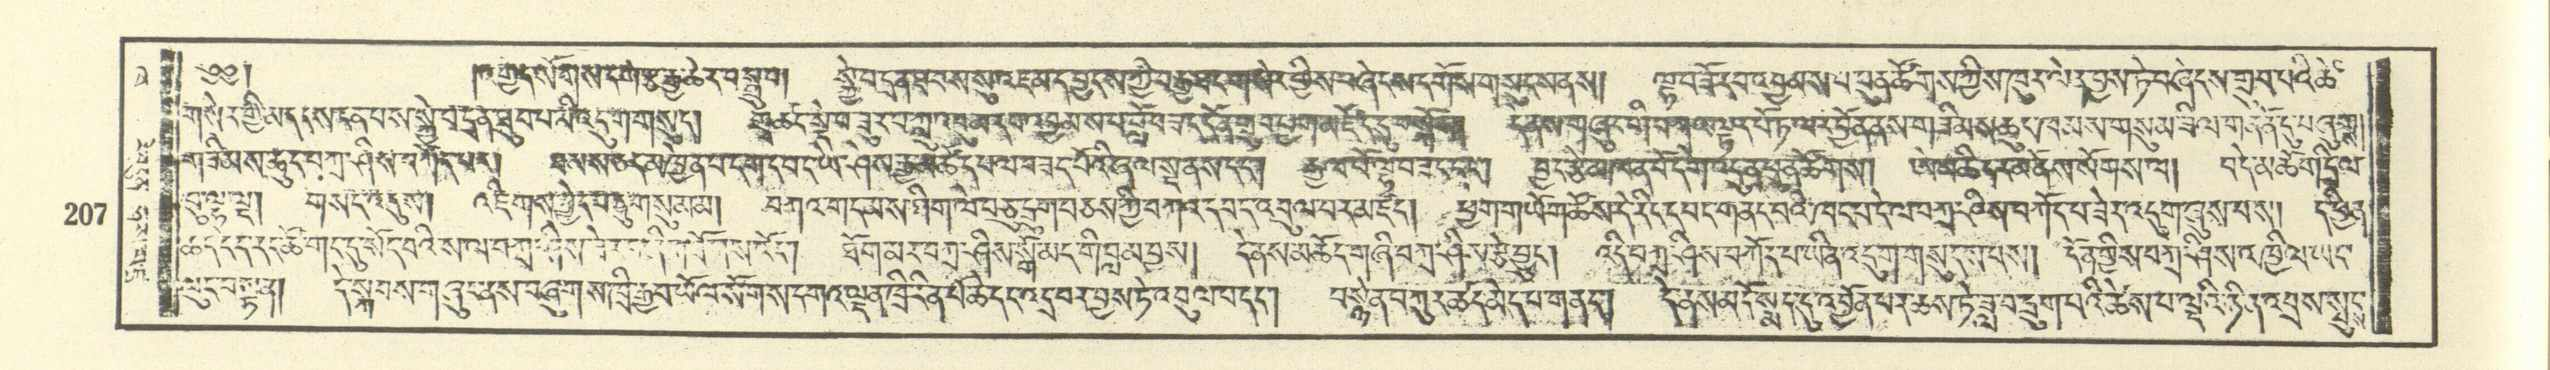༄༅། །འགྱེད་སོགས་དགེ་རྩ་རྒྱ་ཆེར་བསྒྲུབ། སྐྱེ་བ་དྲན་ཐབས་སུ་འཇམ་དབྱངས་ཀྱི་བརྒྱ་ཐང་གསེར་གྱིས་བཞེངས་དགོས་གསུངས་ནས། ལྷ་བཟོད་བ་འབྱམས་པ་ཕུན་ཚོགས་ཀྱིས་ཁུར་ལེན་བྱས་ཏེ་བཞེངས་གྲུབ་པའི་ཚེ་
གསེར་གྱི་མདངས་ངན་པས་སྐྱེ་བ་དྲན་ཐུབ་པ་མི་འདུག་གསུད། གྲྭ་ཚད་སྡེ་པ་ཟུར་པ་ཀླུ་འབུམ་རབ་འབྱམས་པ་བློ་བཟང་དོན་གྲུབ་ཕྱག་མཛོད་དུ་བསྐོས། དེ་ནས་གཞུང་གི་བཀའ་ལྟར་པོ་ཏ་ལར་བྱོན་ནས་གཟིམས་ཆུང་ཁམས་གསུམ་ཟིལ་གནོན་དུ་བཞུགས།
གཟིམས་ཆུང་བཀྲ་ཤིས་བཀོད་པར། ཐམས་ཅད་མཁྱེན་པ་ངག་དབང་ཡེ་ཤེས་རྒྱ་མཚོ་དཔལ་བཟང་པོའི་ཞལ་སྔ་ནས་དང་། རྒྱལ་པོ་ལྷ་བཟང་དང་། བྱང་རྩེ་མཁན་པོ་དགེ་འདུན་ཕུན་ཚོགས། ཨེ་མཆི་དར་མོ་ནས་སོགས་ལ། བདེ་མཆོག་དྲིལ་
བུ་ལྷ་ལྔ། གསང་འདུས། འཇིགས་བྱེད་བཅུ་གསུམ་མ། བཀའ་གདམས་ཐིག་ལེ་བཅུ་དྲུག་བཅས་ཀྱི་བཀའ་དབང་འབུལ་བར་མཛད། ཕྱག་གཡོག་ཚོས་དེ་རིང་དབང་གནང་པའི་ཁང་པ་དེ་ལ་བཀྲ་ཤིས་བཀོད་པ་ཟེར་འདུག་ཞུས་པས། ད་ཕྱིན་
ཚད་དང་རང་ཚོ་གང་དུ་སོད་པའི་ས་ལ་བཀྲ་ཤིས་ཟེར་བ་ཞིག་ཐོགས་འོང་། ཐོག་མར་བཀྲ་ཤིས་སྒོ་མང་གི་བླ་མ་བྱས། དེ་ནས་མཆོད་གཞི་བཀྲ་ཤིས་རྩེ་བྱུང་། འདི་བཀྲ་ཤིས་བཀོད་པ་ཡིན་འདུག་གསུངས་པས། དོན་གྱིས་བཀྲ་ཤིས་འཁྱིལ་ཡང་
ལུང་བསྟན། དེ་སྐབས་གཞུང་ནས་བཞུགས་ཁྲི་རྒྱབ་ཡོལ་སོགས་དགའ་ལྡན་ཁྲི་རིན་པོ་ཆེ་དང་འདྲ་བར་བྱས་ཏེ་འབུལ་པ་དང་། བསྙེན་བཀུར་ཚད་མེད་པ་གནང་། དེ་ནས་མདོ་སྨད་དུ་འབྱོན་པར་ཆས་ཏེ་ཟླ་བ་དྲུག་པའི་ཚེས་པ་ལྔའི་ཉིན་འབྲས་སྤུངས་